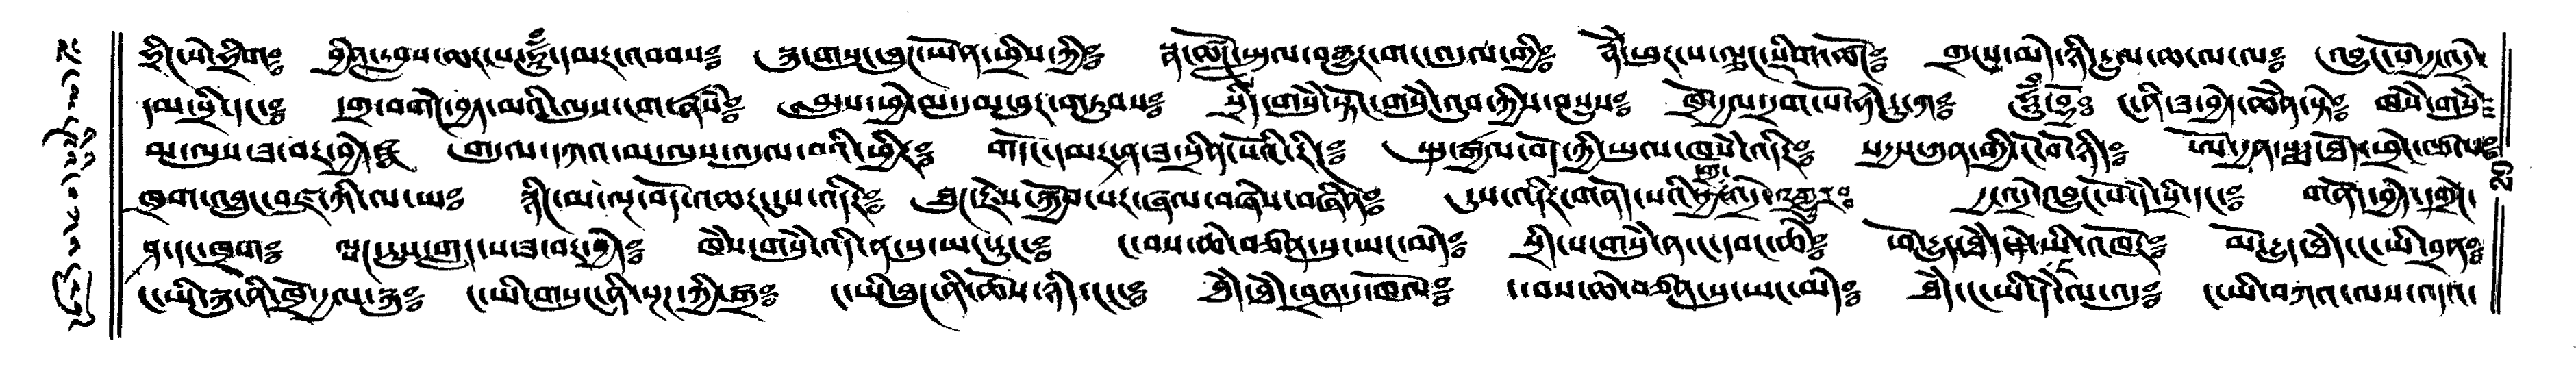ཧྲིག་སེ་ཧྲིག༔ བྱིན་རླབས་ཆར་པ་ཧཱུྃ་དམར་འབེབས༔ སྐུ་གསུང་ཐུགས་ཡོན་ཕྲིན་ལས་ཀྱི༔ སྣ་ཚོགས་སྤྲུལ་བསྒྱུར་གང་འདུལ་གྱི༔ རྡོ་རྗེ་ཕུར་པ་ལྕགས་སྡིག་ཚོགས༔ གྲངས་མེད་ཉི་རྡུལ་ཆ་ལ་ལ༔ འབྱུང་པོ་རྒྱ་འདྲེ་
དམ་སྲི་དང༔ དགྲ་བགེགས་བྱད་མའི་ལུས་ངག་རྣམས༔ མ་ལུས་ཕྱེ་མ་དུམ་བུར་གཏུབས༔ སྲིད་གསུམ་སྟོང་གསུམ་འུབ་ཀྱིས་བསྡུས༔ ཁྲོ་རྒྱལ་དྲག་པོ་ཧེ་རུ་ཀ༔ ཧཱུ་ྃབྷྱོ༔ ང་ནི་ཟ་བྱེད་ཆེན་པོ་སྟེ༔ ཁམས་གསུམ་
མ་ལུས་ཟ་བར་བྱེད༔ གདུལ་དཀའ་མ་ལུས་འདུལ་བའི་ཕྱིར༔ གདོང་དམར་ཤ་ཟ་སྲིན་པོའི་རིགས༔ སྤུ་རྒྱལ་བོད་ཀྱི་ཡུལ་ཁམས་འདིར༔ སངས་རྒྱས་ཀུན་གྱི་ངོ་བོ་ཉིད༔ ཨོ་རྒྱན་པདྨ་ཐོད་ཕྲེང་རྩལ༔ 
ཁྲག་འཐུང་བཛྲ་ཀི་ལ་ཡ༔ སྙིགས་མ་ལྔ་བདོ་འཆར་དུས་འདིར༔ ཐུགས་རྗེས་སྐྱོབ་པར་ཞལ་བཞེས་བཞིན༔ དུས་འདིར་གནོད་པའི་དགྲ་འདྲེ་བསྒྱུར༔ རྒྱ་འདྲེ་འབྱུང་པོ་དམ་སྲི་དང༔ གནོད་བྱེད་དགྲེགས་
ཤ་དང་ཁྲག༔ ལྤགས་རུས་ཀླད་པ་ཟ་བར་བྱེད༔ ཁམས་གསུམ་འདི་ན་སུ་ཡང་རུང༔ ང་བས་ཆེ་བཙན་སུ་ཡང་མེད༔ སྲིད་པ་གསུམ་ན་ང་དབང་ཆེ༔ ཕོ་རྒྱུད་ཐམས་ཅད་ང་ཡི་འཁོར༔ མོ་རྒྱུད་ཐམས་ཅད་ང་ཡི་བྲན༔ 
ང་ཡི་སྐུ་ནི་ཁྲོ་རྒྱལ་སྐུ༔ ང་ཡི་གསུང་ནི་སྔགས་ཀྱི་སྒྲ༔ ང་ཡི་ཐུགས་ནི་ཆོས་ཉིད་ངང༔ ཐམས་ཅད་ཐམས་ཅད་བྲན་དུ་ཁོལ༔ ང་བས་ཆེ་བཙན་སུ་ཡང་མེད༔ ཐམས་ཅད་ང་ཡི་དམ་ལ་འདུ༔ ང་ཡི་བཀའ་ལས་འདའ་